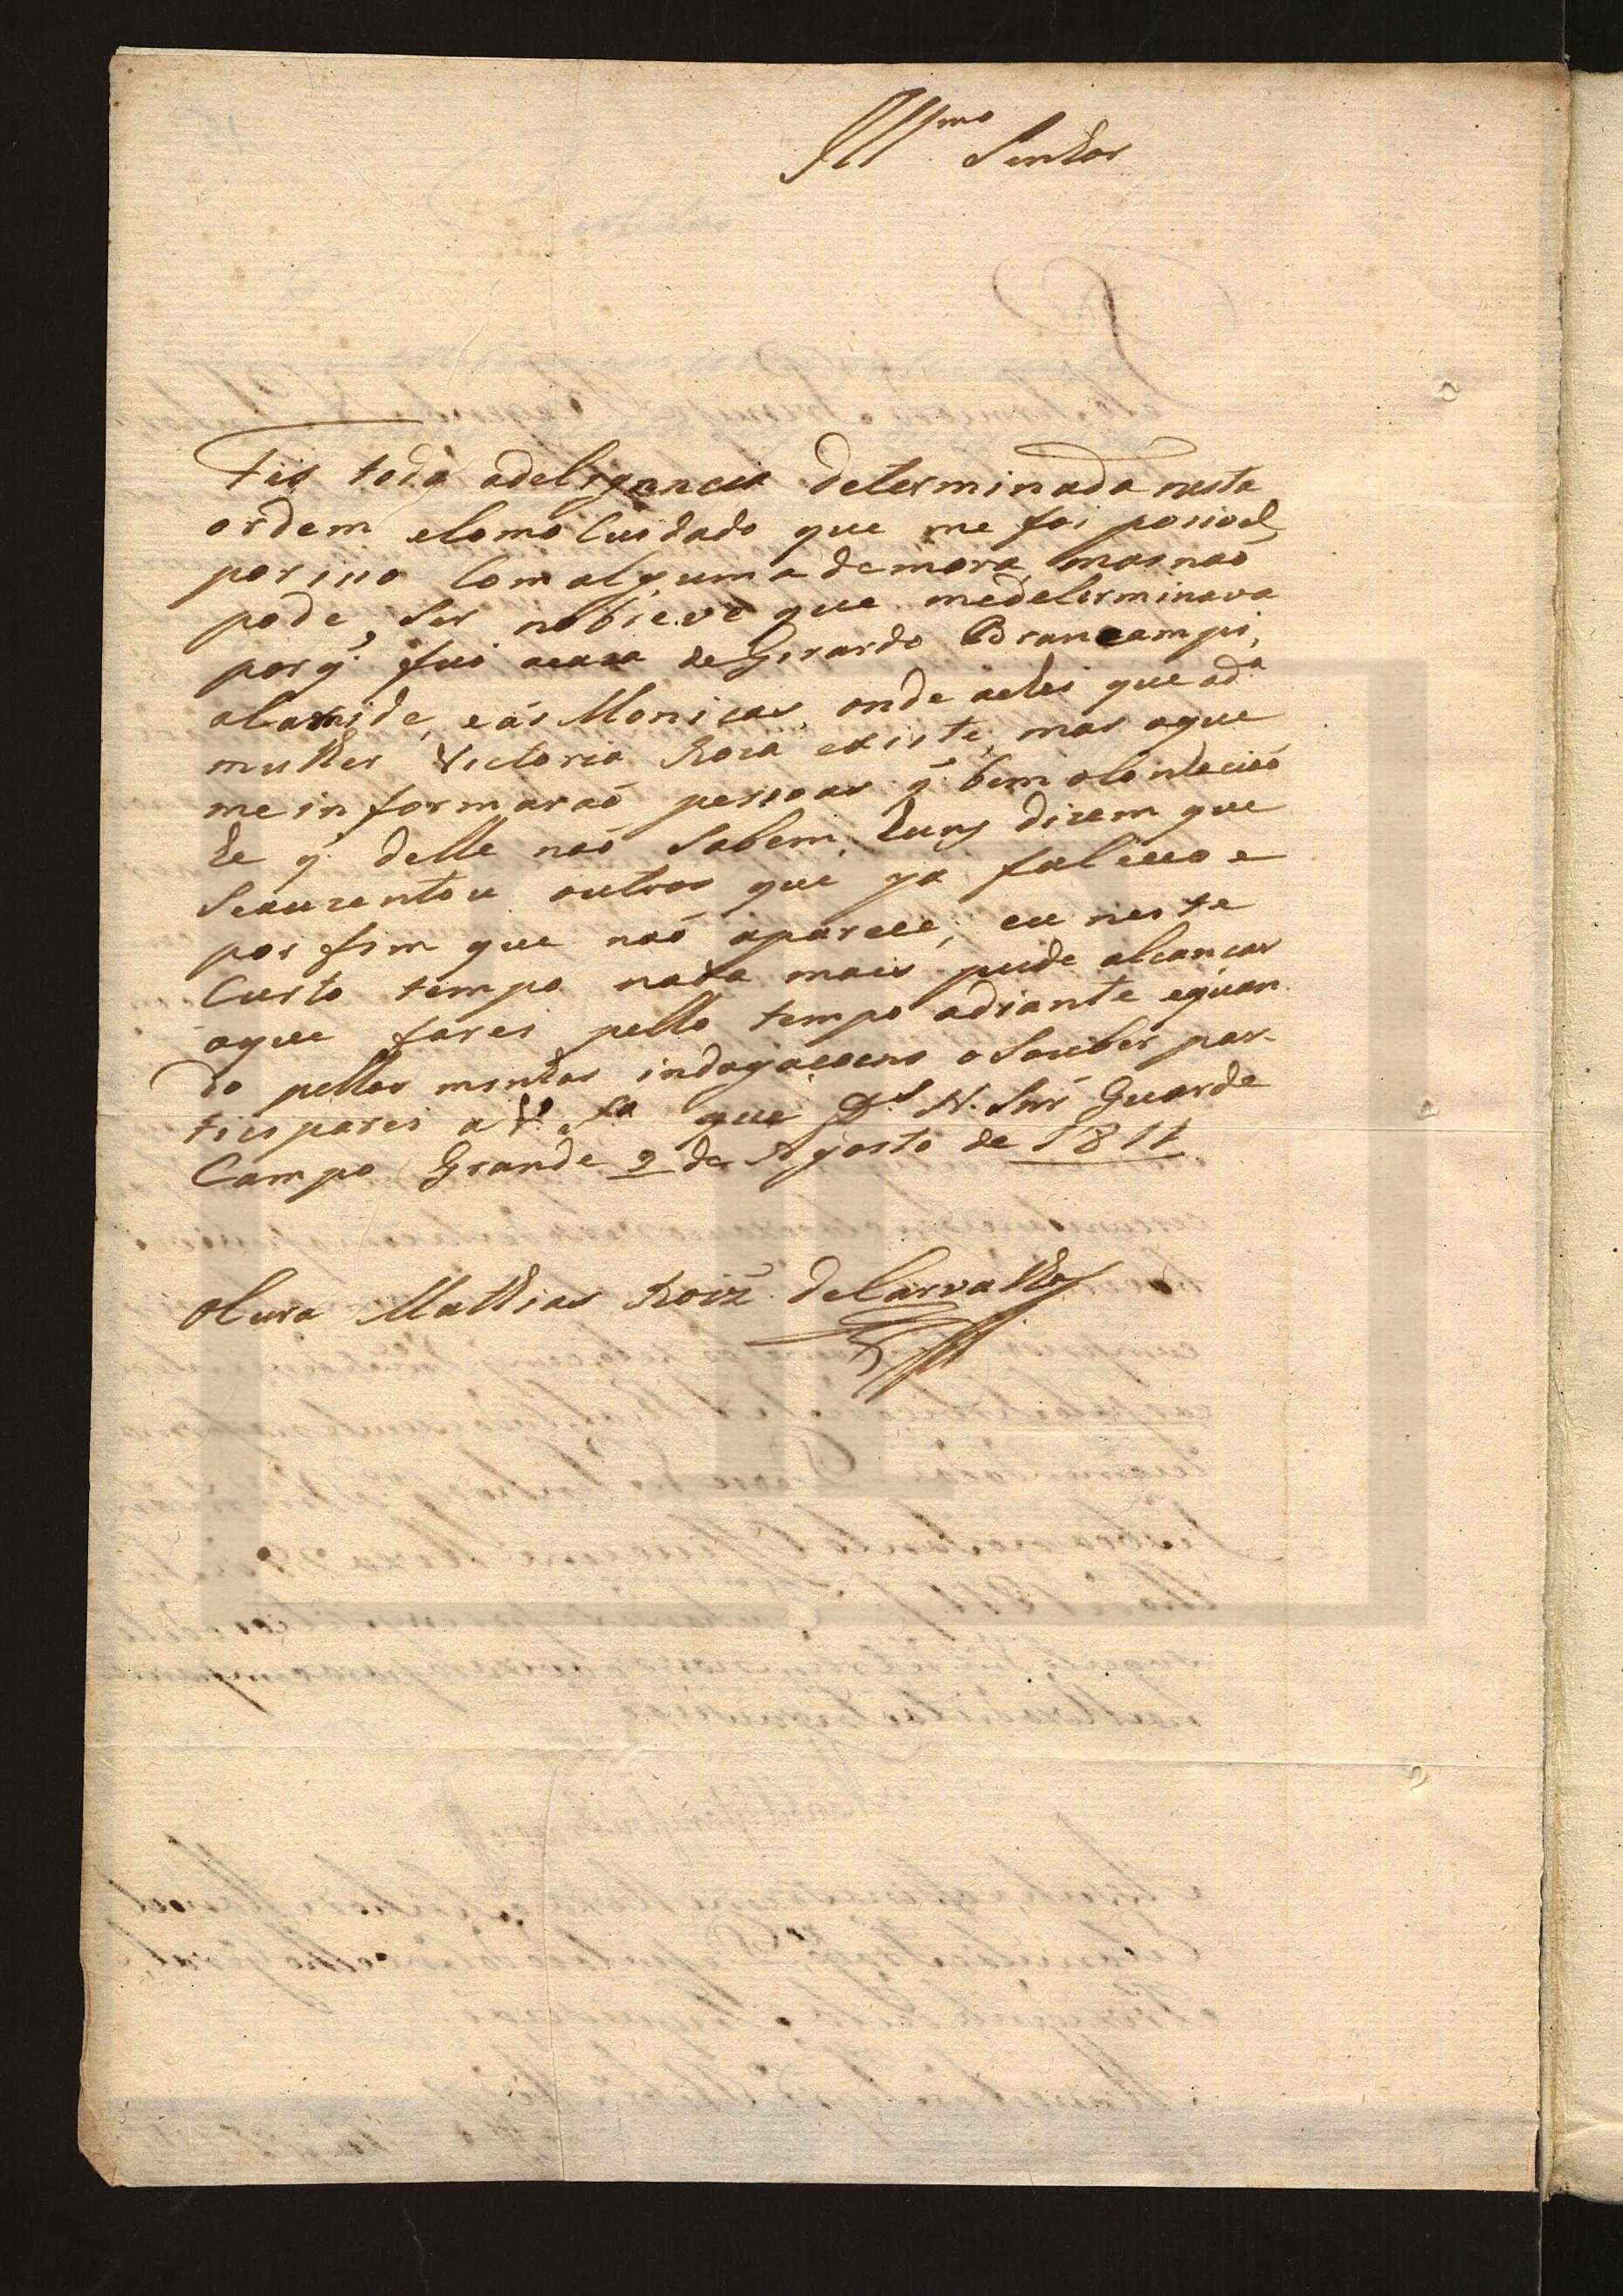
Ill.mo Senhor
Fis toda a delignncia determinada nesta
ordem e Com o cuidado que me foi possivel,
por isso Com alguma demora mas naõ
pode ser no breve que me determinava
porq̄ fui a caza de Gerardo Brancampi,
a Carnide, e ás Monicas, onde achei que a d.a
mulher Victoria Roza existe, mas o que
me informaraõ pessoas q̄ bem o Conheciaõ
he q̄ delle naõ sabem, huns dizem que
se auzentou outros que já faleceo e
por fim que naõ aparece; eu neste
Curto tempo nada mais pude alcançar
o que farei pello tempo adiante e quan
do pellas minhas indagaçoens o souber par
ticiparei a V. S.a que D.s N. Snr̄ Guarde
Campo Grande 9 de Agosto de 1811
o Cura Mathias Roiz̄ de Carvalho
